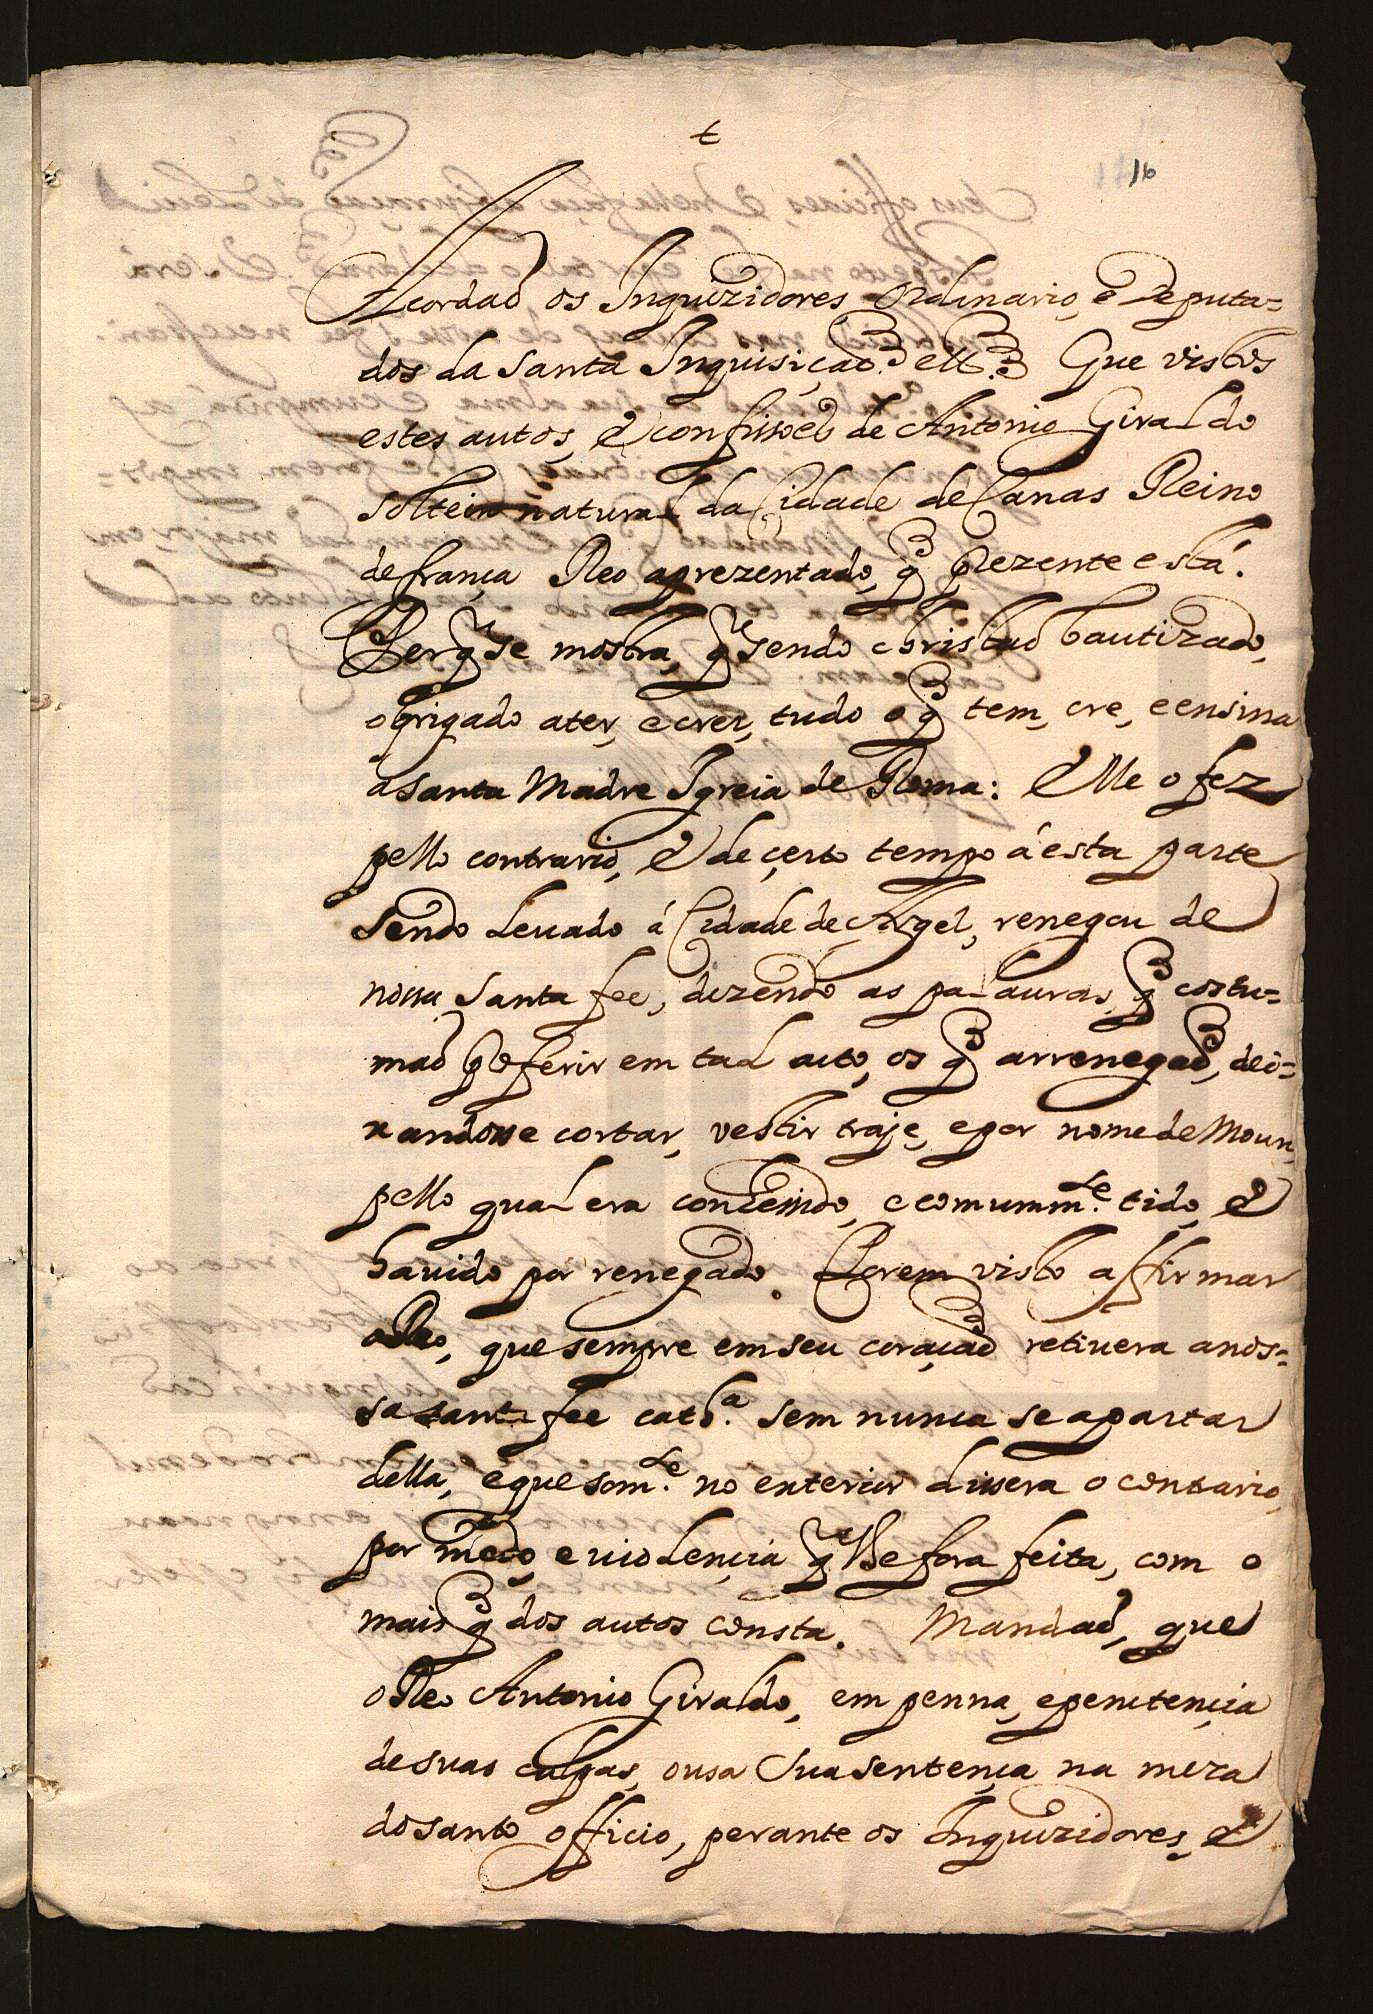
Acordaõ os Inquizidores, Ordinario e Deputa
dos da santa Inquisiçaõ ett̄. Que vistos
estes autos, e confissoẽs de Antonio Giraldo
solteiro natural da Cidade de Canas Reino
de frança Reo aprezentado, q̄ prezente está.
Per q̄ se mostra, q̄ sendo christaõ bautizado,
obrigado a ter, e crer, tudo o q̄ tem, cre, e ensina
a santa Madre Igreia de Roma: elle o fez
pello contrario, e de certo tempo á esta parte
sendo Leuado á Cidade de Argel, renegou de
nossa Santa fee, dizendo as palauras, q̄ costu
maõ proferir em tal acto, os q̄ arrenegaõ, dei
xandosse cortar, vestir traje, e por nome de mouro,
pello qual era conhessido, e comumm.te tido, e
hauido por renegado Porem visto affirmar
o Reo, que sempre em seu coraçaõ retiuera a nos
sa santa fee cath.a sem nunca se apartar
della, e que som.te no enterior dissera o contrario,
por medo, e uiolencia q̄ lhe fora feita, com o
mais q̄ dos autos consta. mandaõ, que
o Reo Antonio Giraldo, em penna, e penitencia
de suas culpas, ousa Sua sentença na meza
do santo officio, perante os Inquizidores, e
